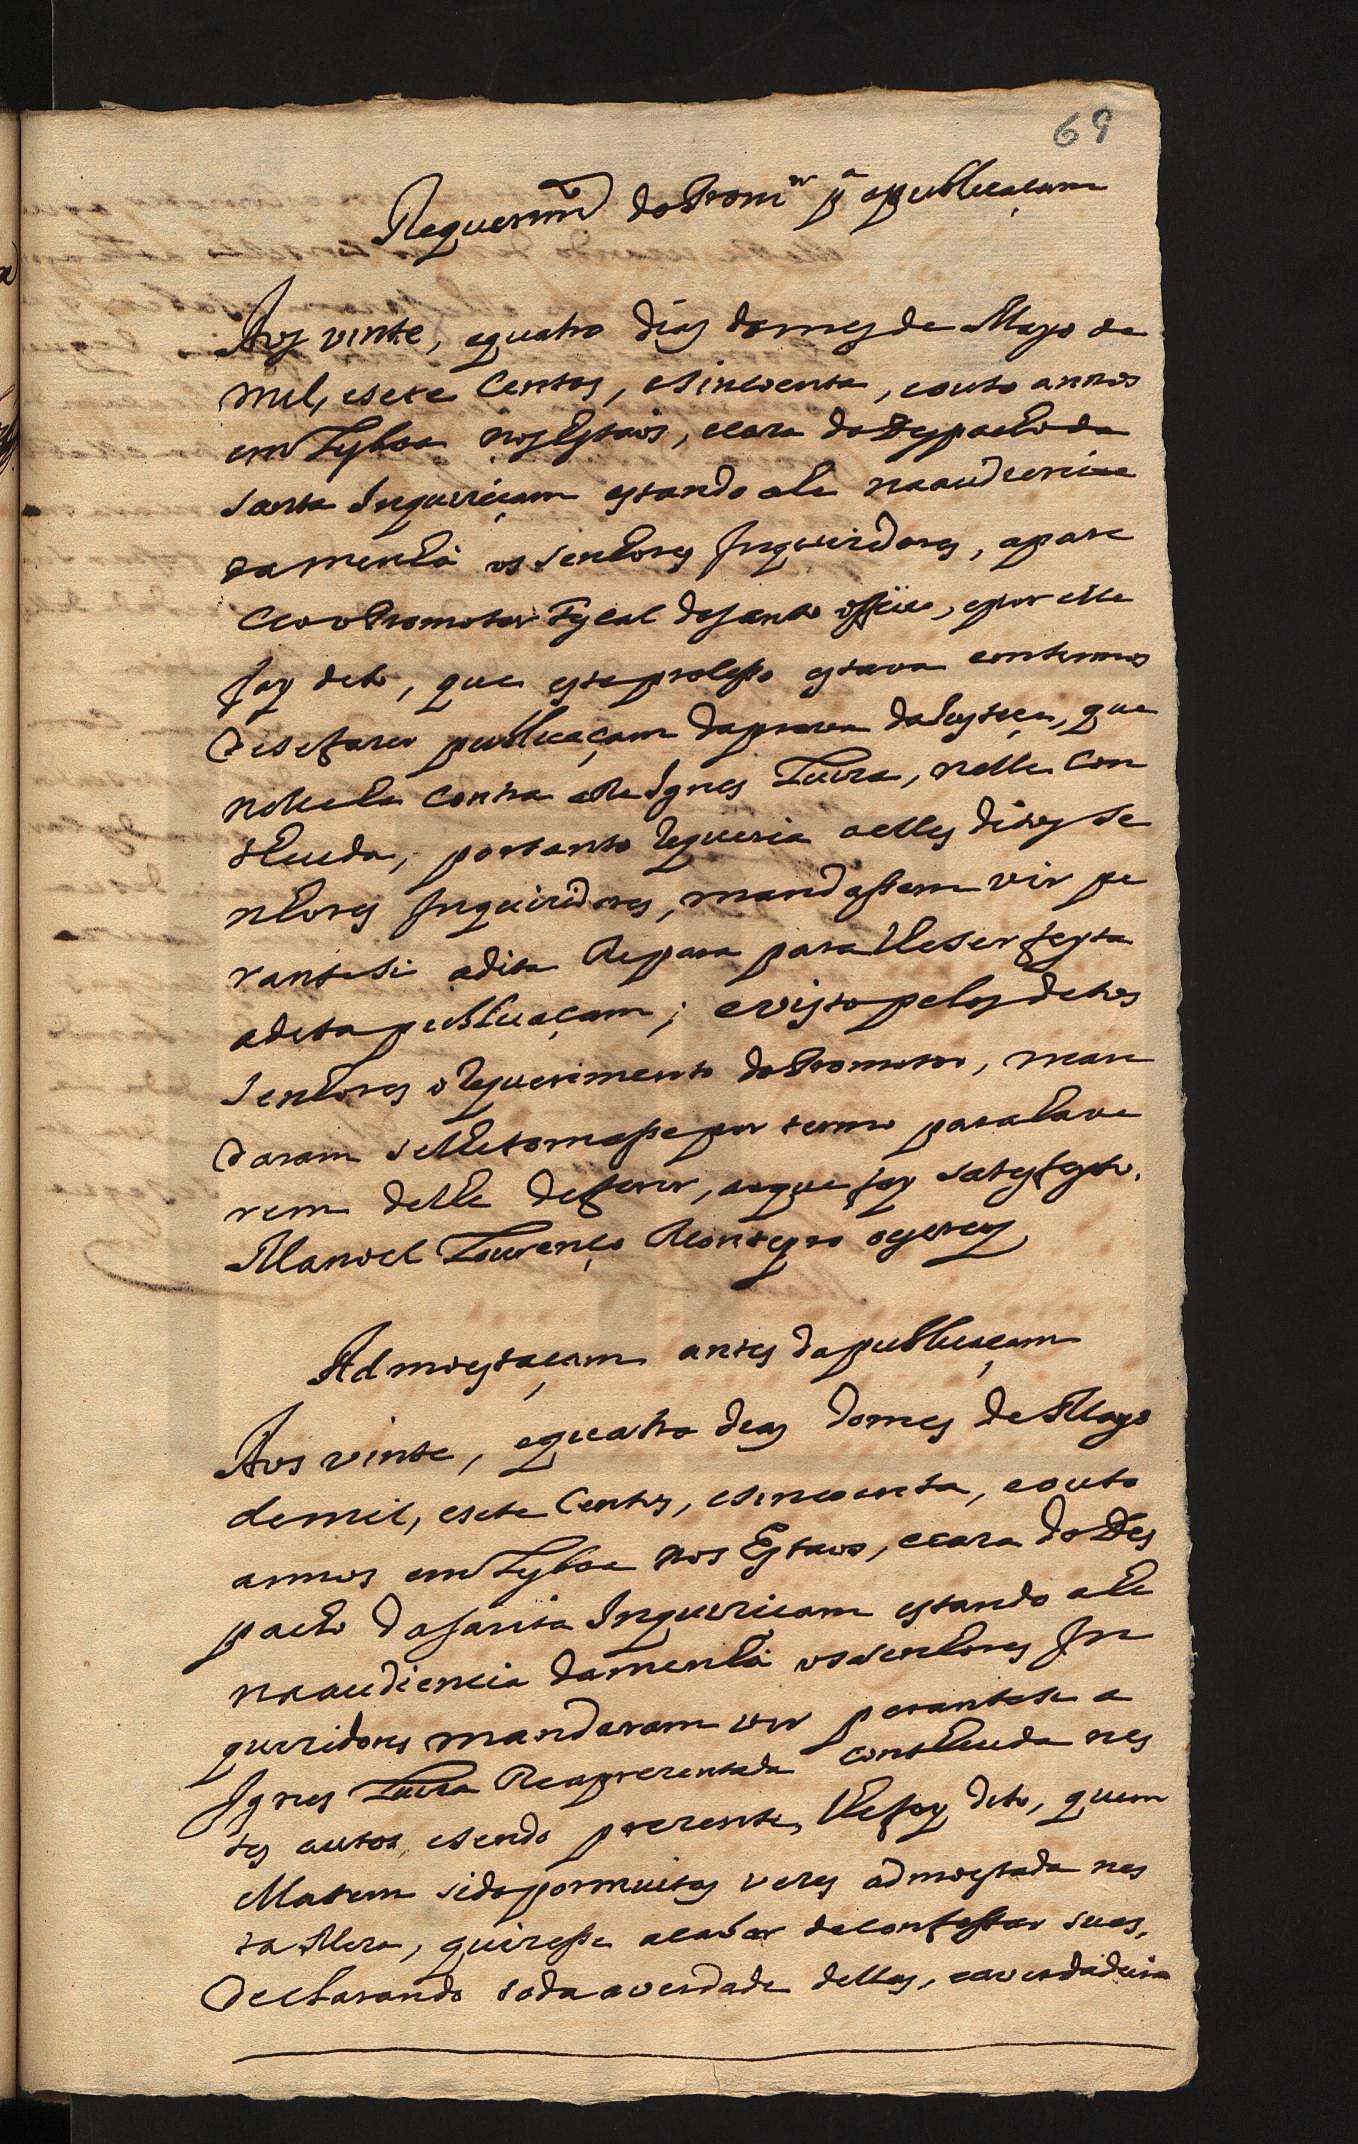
Requerimto do Prom.or pa a publicaçam
Aos vinte, e quatro dias do mes de Mayo de
mil, e setecentos, e sincoenta, e outo annos
em Lisboa nos Estaos, e caza do Despacho da
santa Inquiziçam estando ahi na audiencia
da menhã os senhores Jnquizidores, apare
ceo o Promotor Fiscal do santo officio, e por elle
foy dito, que este processo estava em termo
de se fazer publicaçam da prova da Iustiça, que
nelle ha contra a Re Ignes Luiza, nelle con
theuda, portanto Requeria a elles ditos se
nhores Jnquizidores, mandassem vir pe
rante si a dita Re para para lhe ser feyta
a dita publicaçam; e visto pelos ditos
senhores o Requerimento do Promotor, man
daram se lhe tomasse por termo para have
rem de lhe deferir, ao que foy satisfeyto.
Manoel Lourenço Monteyro o escreuj
Admoestaçam antes da publicaçam
Aos vinte, e quatro dias do mes de Mayo
de mil, e setecentos, e sincoenta, e outo
annos em Lisboa nos Estaos, e caza do Des
pacho da santa Inquiziçam estando ahi
na audiencia da menhã os senhores Jn
quizidores mandaram vir perante si a
Jgnes Luiza Re aprezentada contheuda nes
tes autos, e sendo prezente lhe foy dito, quem
ella tem sido por muitas vezes admoestada nes
ta Meza, quizesse acabar de confessar suas,
declarando toda a verdade dellas, e a verdadeira
